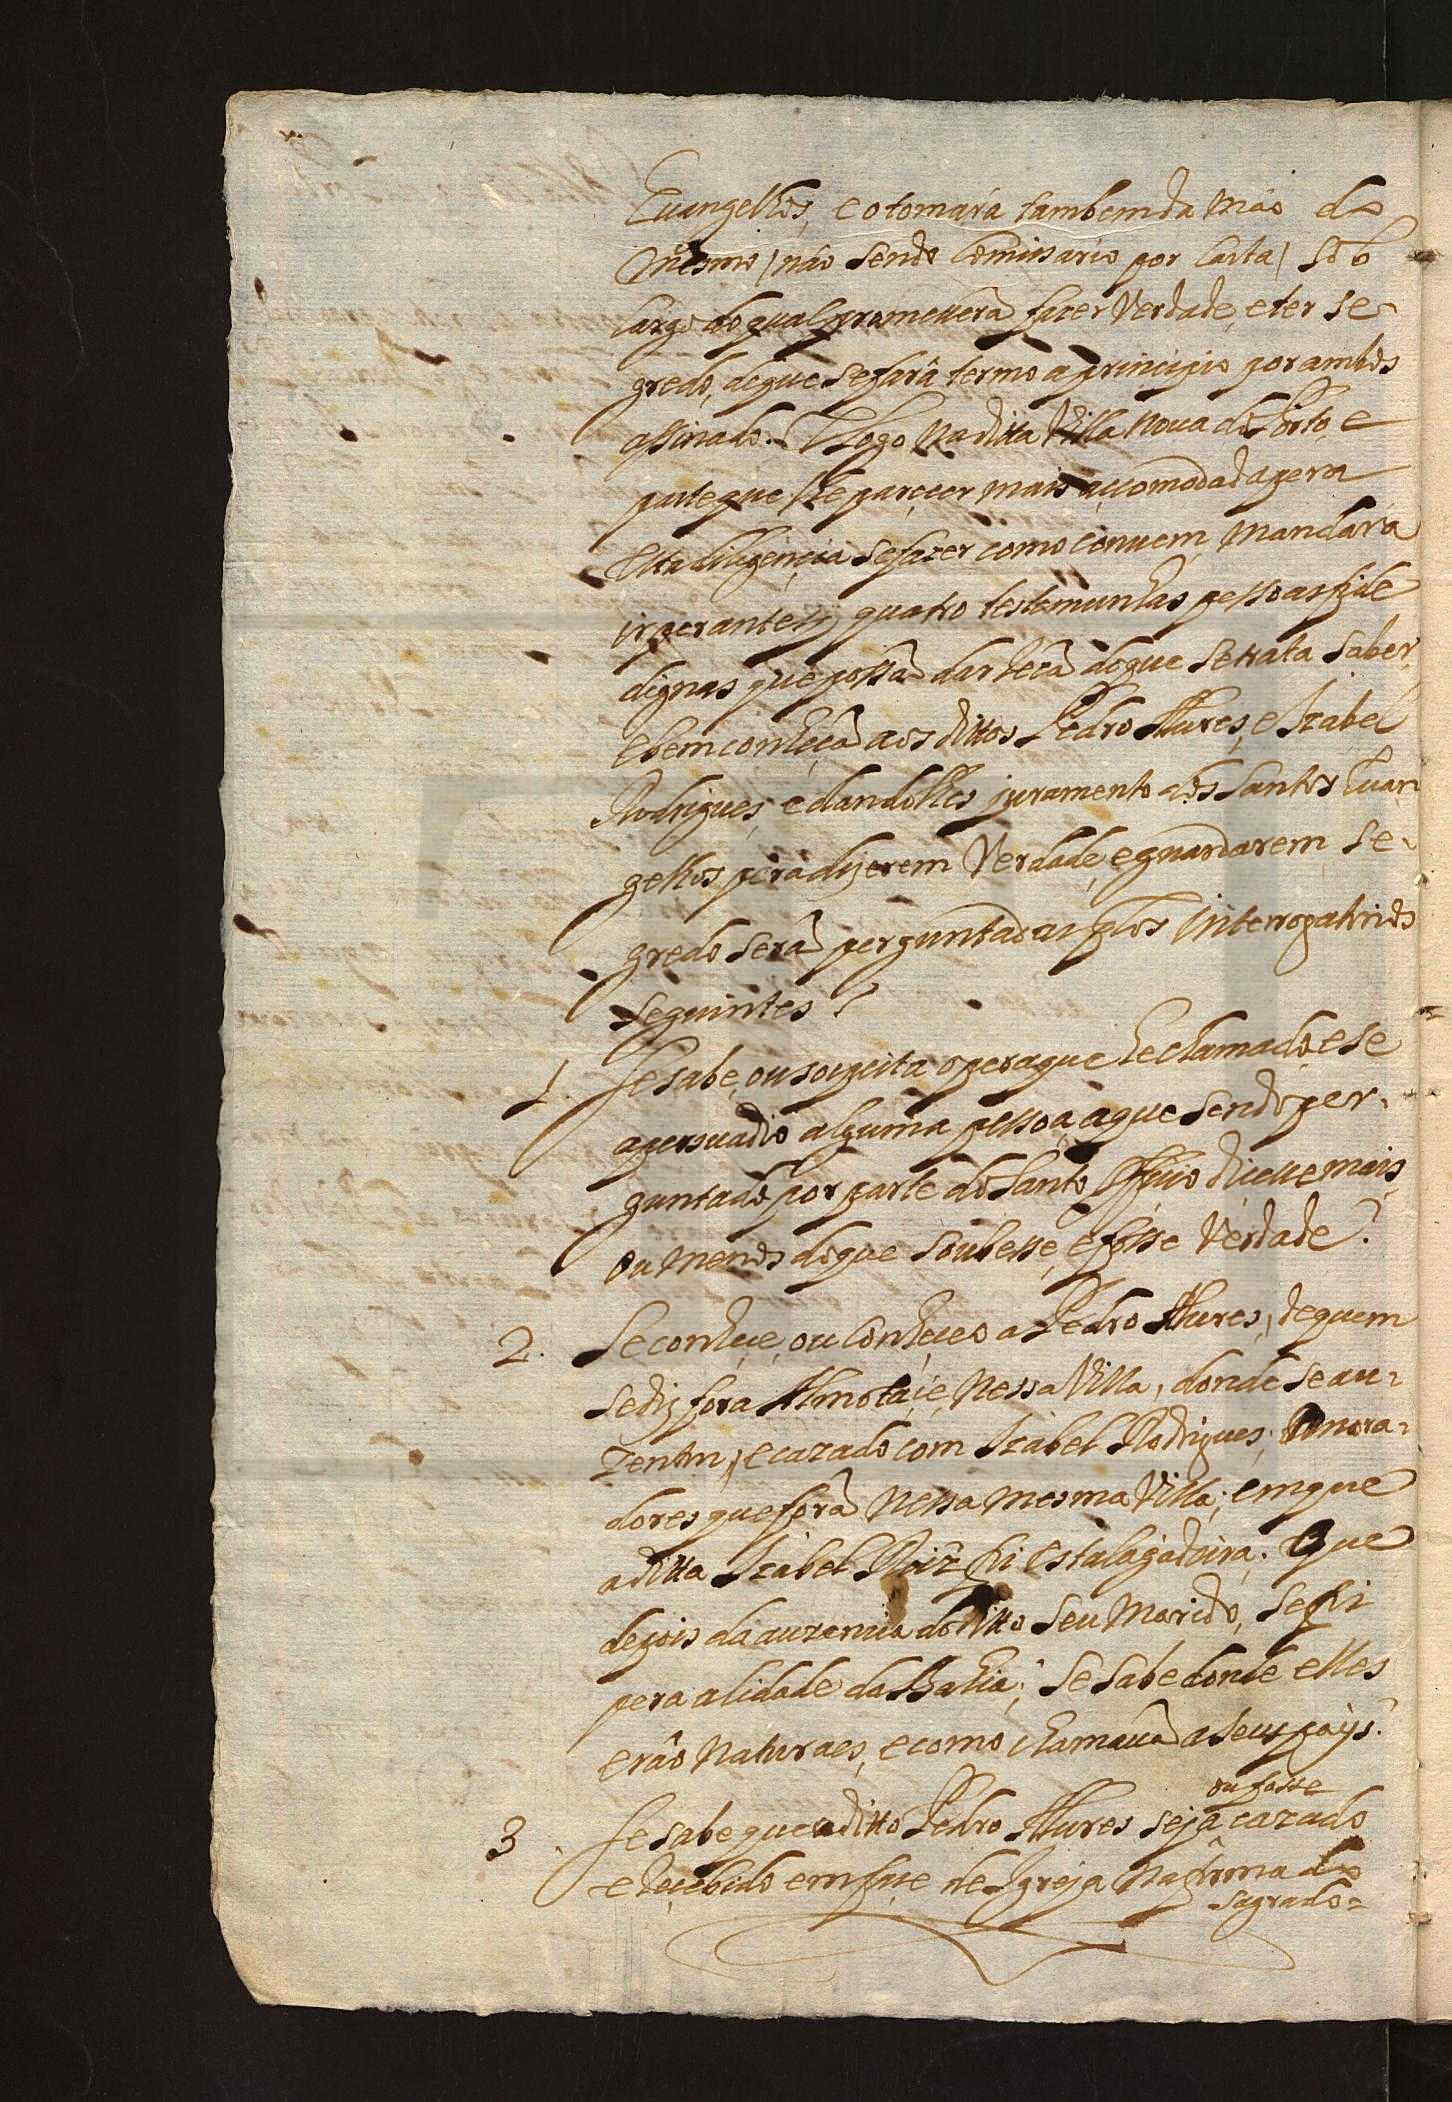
Euangelhos, e o tomará tambem da maõ do
mesmo / não sendo Comissario por Carta / sob
Cargo do qual promettera fazer verdade, e ter se
gredo, de que se fará termo a principio por ambos
assinado. E Logo na ditta Villa noua do Porto, e
parte que lhe parecer mais accomodada pera
Esta diligençia se fazer como conuem mandara
ir perante sy quatro testemunhas pessoas fide
dignas que possaõ dar rezaõ do que se trata saber,
e bem conheçaõ aos dittos Pedro Alures, e Izabel
Rodrigues, e dandolhes juramento dos Santos Euan
gelhos pera dizerem verdade, e guardarem se
gredo seraõ perguntadas p̄los interrogatorios
seguintes?
1. Se sabe, ou sospeita o pera que he chamado, e se
a persuadio alguma pessoa, a que sendo per
guntado por parte do Santo Officio dicesse mais
ou menos do que soubesse e fosse verdade.
se conheçe, ou conheceo a Pedro Alures, de quem
2.
se diz fora Almotaçe, nessa Villa, donde se au
zentou, e cazado com Izabel Rodrigues, mora
dores que foraõ nessa mesma Villa; em que
a ditta Izabel Roiz̄ foi estalagadeira; Que
depois da auzenca do ditto seu marido, se foi
pera a Cidade da Bahia; se sabe donde elles
erão naturaes, e como chamauaõ a seus pays?
ou fosse
3. Se sabe que o ditto Pedro Alures seja cazado
e Reçebido em façe de Igreja na forma do
sagrado
